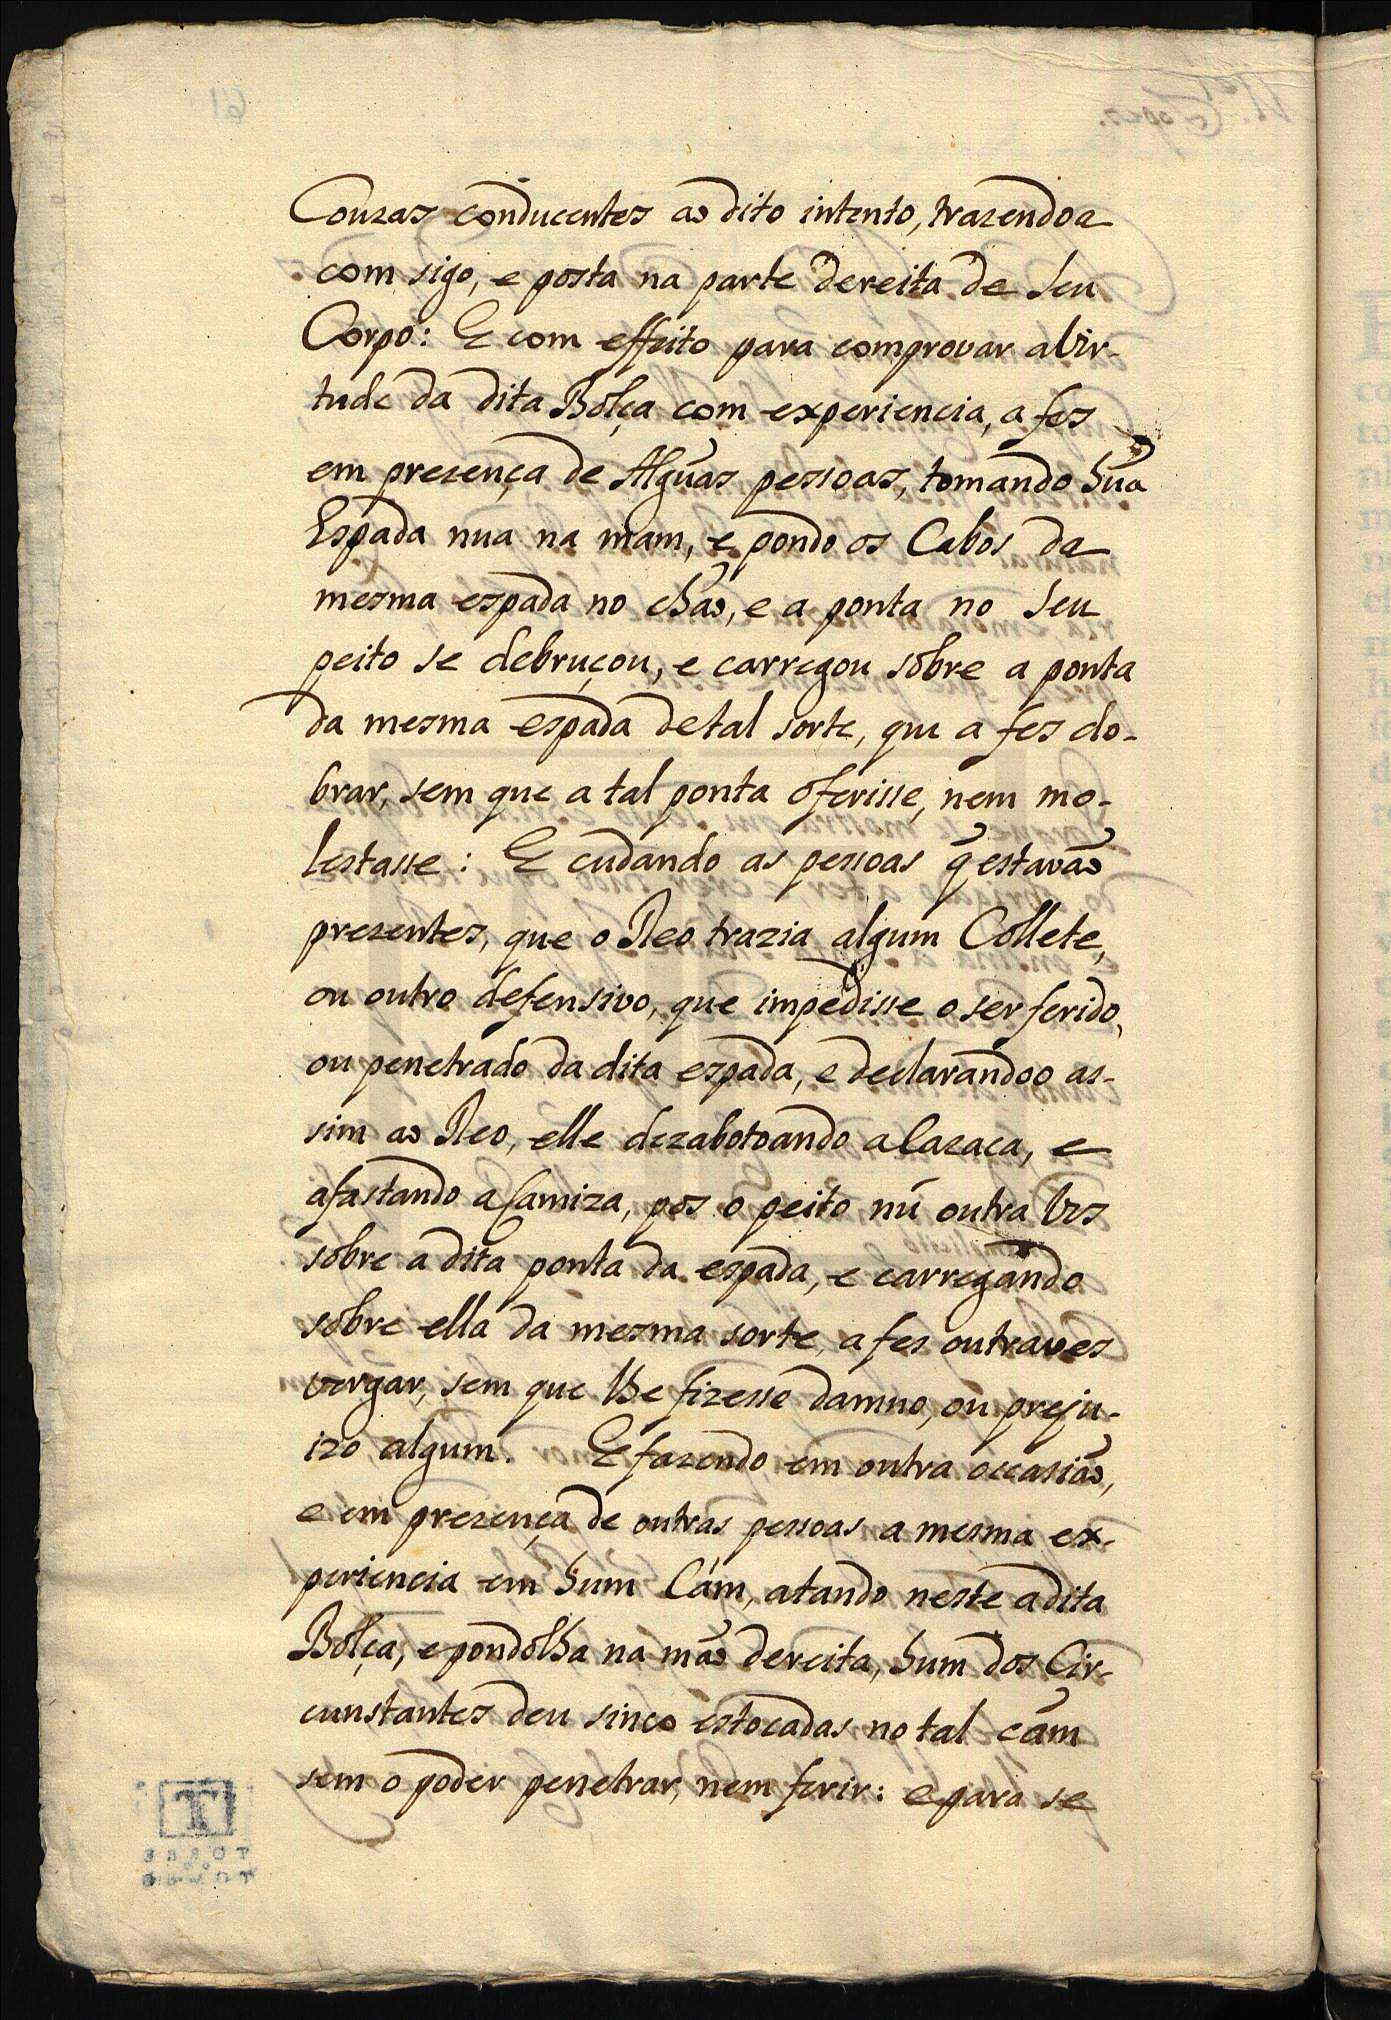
Couzas conducentes ao dito intento, trazendoa
comsigo, e posta na parte dereita de Seu
Corpo: E com effeito para comprovar a Vir
tude da dita Bolça com experiencia, a fes
em prezença de Algūas pessoas, tomando hūa
Espada nua na mam, e pondo os Cabos da
mesma espada no chão, e a ponta no Seu
peito se debruçou, e carregou sobre a ponta
da mesma espada de tal sorte, que a fes do
brar, sem que a tal ponta o ferisse, nem mo
lestasse: E cudando as pessoas q̄ estavão
presentes, que o Reo trazia algum Collete,
ou outro defensivo, que impedisse o ser ferido,
ou penetrado da dita espada, e declarandoo as
sim ao Reo, elle dezabotoando a Cazaca, e
afastando a Camiza, pos o peito nú outra Ves
sobre a dita ponta da espada, e carregando
sobre ella da mesma sorte, a fes outra ves
vergar, sem que lhe fizesse damno, ou preju
izo algum. E fazendo em outra occasião,
e em prezença de outras pessoas a mesma ex
periencia em hum Cám, atando neste a dita
Bolça, e pondolha na mão dereita, hum dos Cir
cunstantes deu sinco estocadas no tal cám
sem o poder penetrar, nem ferir: e para se
